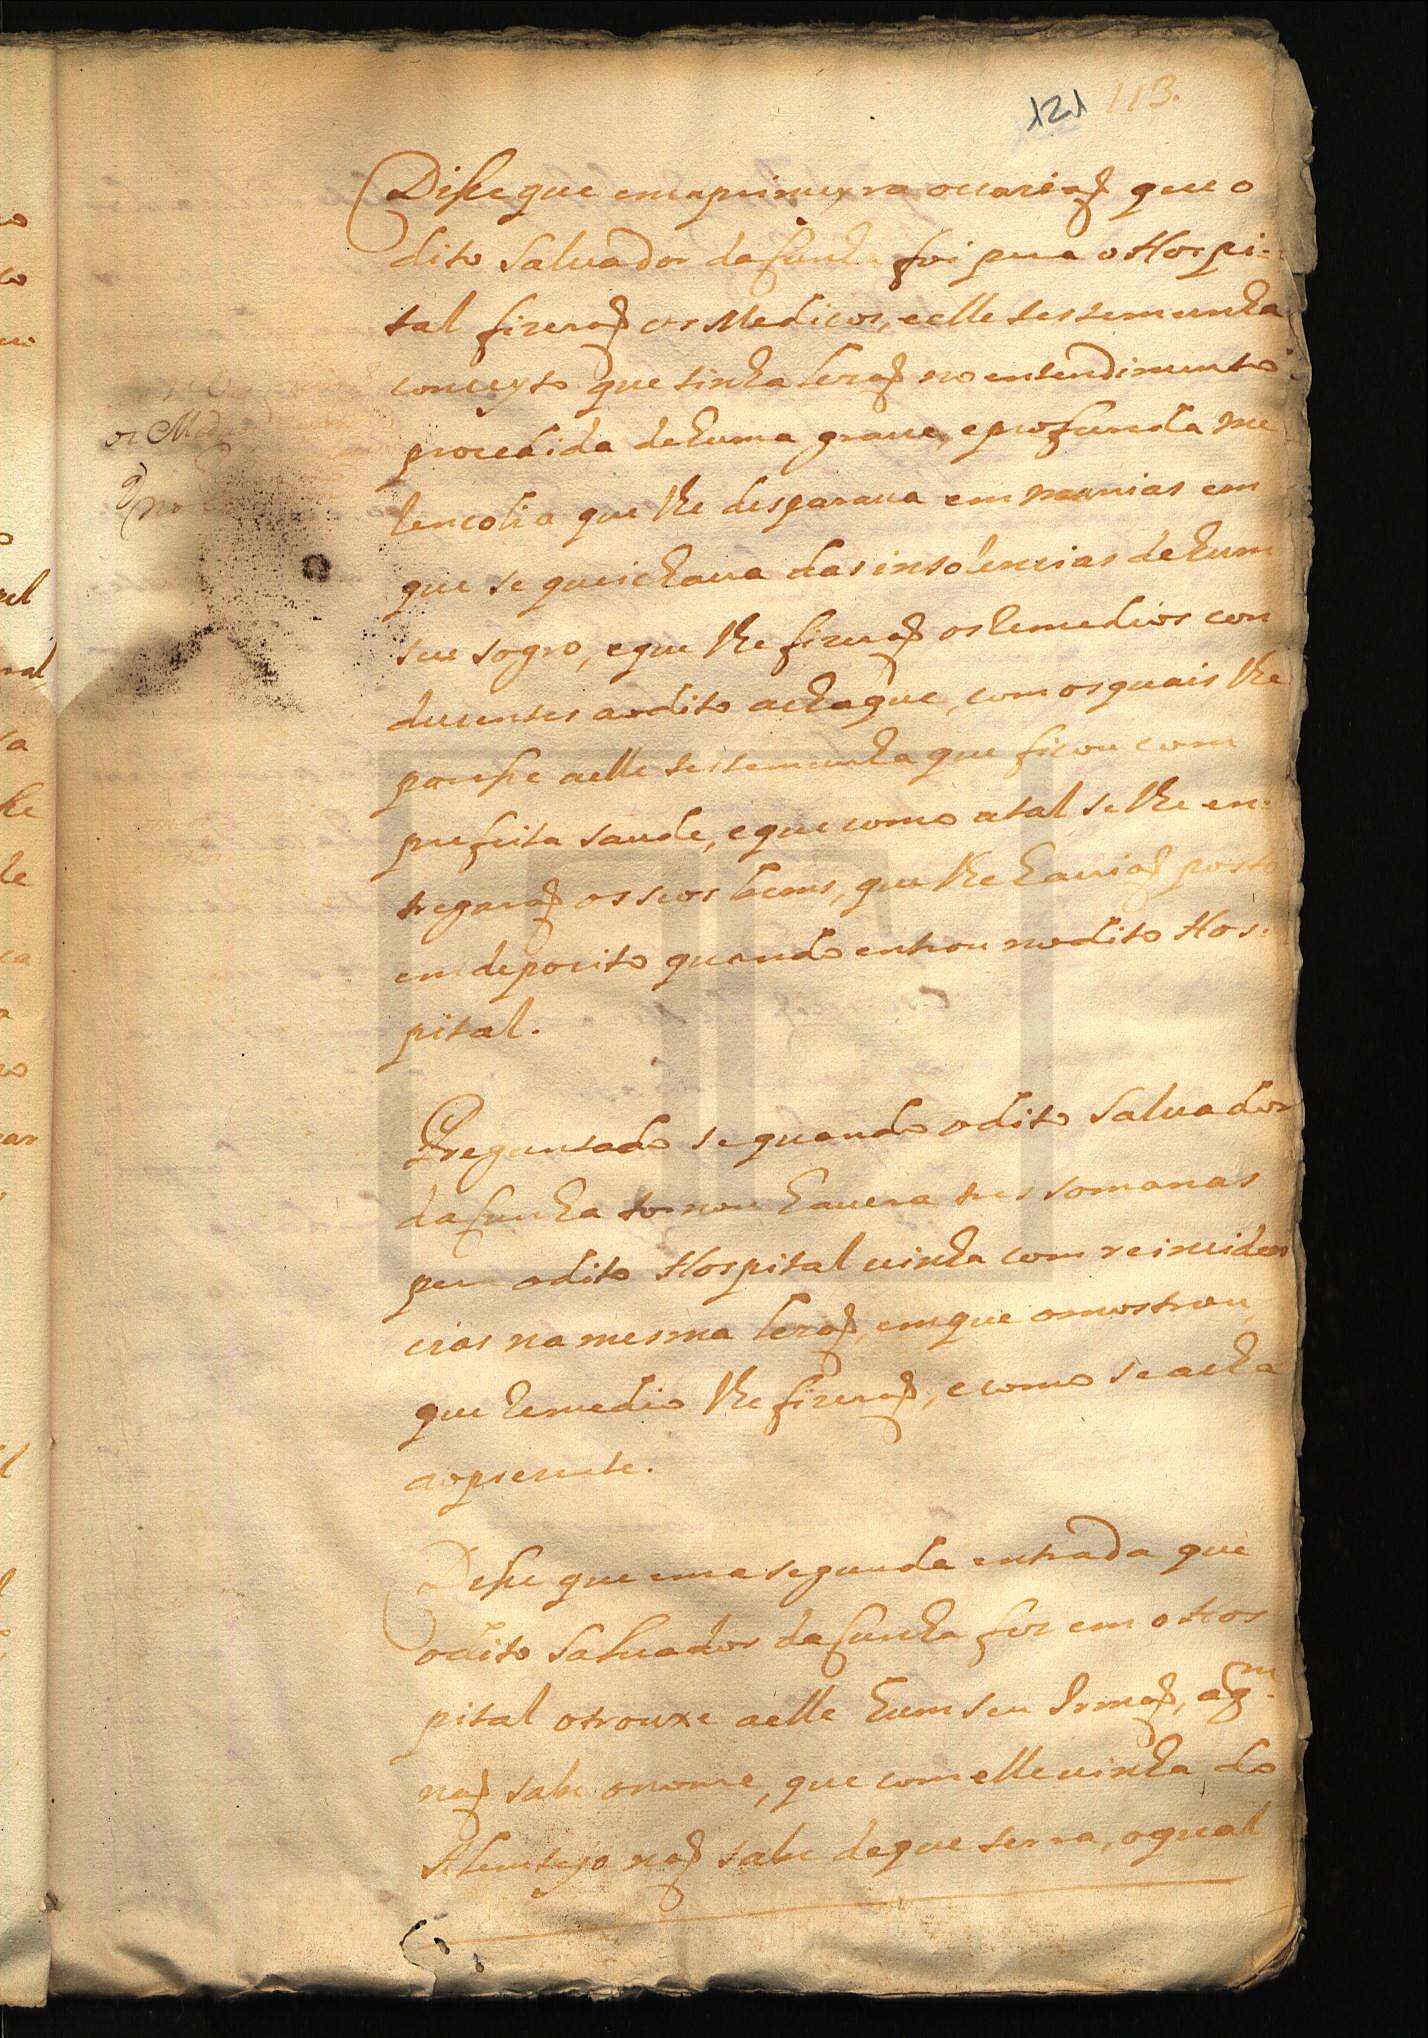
113.
Disse que em a primeyra occaziaõ que o
dito Saluador da Cunha foi pera o Hospi
tal fizeraõ os Medicos, e elle testemunha
conceyto que tinha lezaõ no entendimento
procedida de huma graue, e profunda me
os Medicos
q̄
lancolia que lhe desparaua em manias em
no
que se queichava das insolencias de hum
seu sogro, e que lhe fizeraõ os Remedios con
ducentes ao dito achaque, com os quais lhe
paresse a elle testemunha que ficou com
prefeita saude, e que como a tal se lhe en
tregaraõ os seos bens, que lhe hauiaõ posto
em deposito quando entrou no dito Hos
pital.
Preguntado se quando o dito saluador
da Cunha tornou hauera tres somanas
pera o dito Hospital uinha com reinciden
cias na mesma lezaõ, em que o mostrou,
que Remedio lhe fizeraõ, e como se acha
ao presente.
Disse que em a segunda entrada que
o dito Saluador da Cunha fez em o Hos
pital o trouxe a elle hum seu Irmaõ, a q.m
naõ sabe o nome, que com elle uinha do
Alemtejo naõ sabe de que terra, o qual
